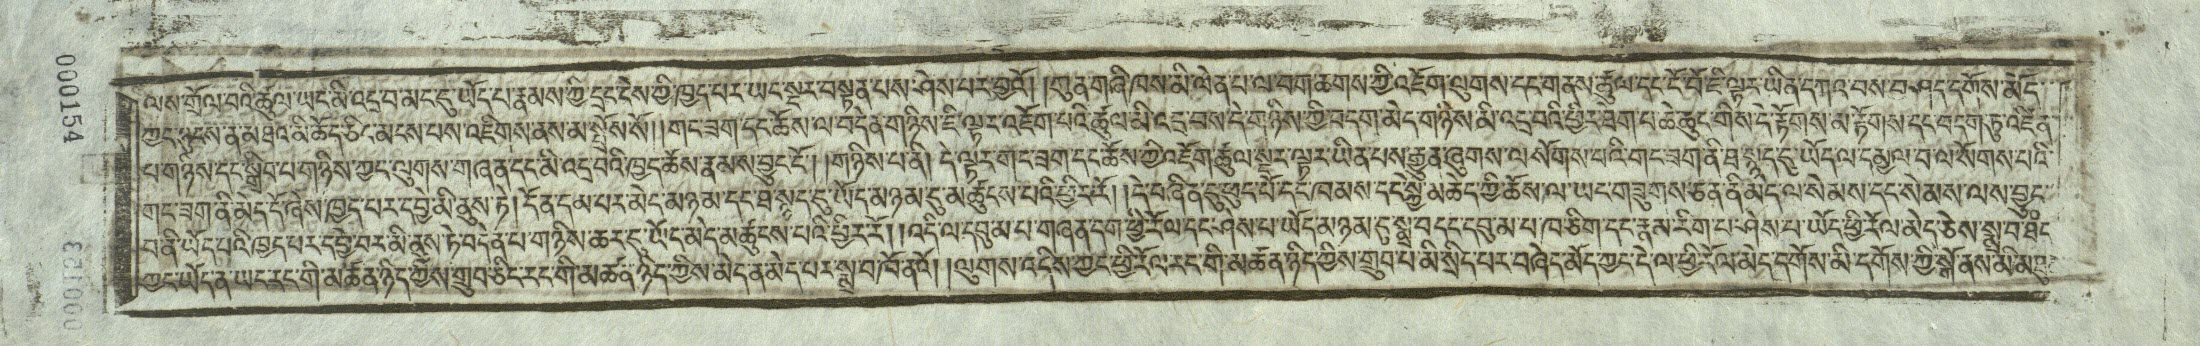ལས་གྲོལ་བའི་ཚུལ་ཡང་མི་འདྲ་བ་མང་དུ་ཡོད་པ་རྣམས་ཀྱི་དྲང་ངེས་ཀྱི་ཁྱད་པར་ཡང་སྔར་བསྟན་པས་ཤེས་པར་བྱའོ། །ཀུན་གཞི་ཁས་མི་ལེན་པ་ལ་བག་ཆགས་ཀྱི་འཇོག་ལུགས་དང་གནས་ཚུལ་དང་ངོ་བོ་ཇི་ལྟར་ཡིན་དཀའ་བས་བཤད་དགོས་མོད་
ཀྱང་ཉུངས་ན་མཐའ་མི་ཆོད་ཅིང་མངས་པས་འཇིགས་ནས་མ་སྤྲོས་སོ། །གང་ཟག་དང་ཆོས་ལ་བདེན་གཉིས་ཇི་ལྟར་འཇོག་པའི་ཚུལ་མི་འདྲ་བས་དེ་གཉིས་ཀྱི་བདག་མེད་གཉིས་མི་འདྲ་བའི་ཕྱིར་ཐེག་པ་ཆེ་ཆུང་གིས་དེ་རྟོགས་མ་རྟོགས་དང་བདག་ཏུ་འཛིན་
པ་གཉིས་དང་སྒྲིབ་པ་གཉིས་ཀྱང་ལུགས་གཞན་དང་མི་འདྲ་བའི་ཁྱད་ཆོས་རྣམས་བྱུང་ངོ། །གཉིས་པ་ནི། དེ་ལྟར་གང་ཟག་དང་ཆོས་ཀྱི་འཇོག་ཚུལ་སྔར་ལྟར་ཡིན་པས་རྒྱུན་ཞུགས་ལ་སོགས་པའི་གང་ཟག་ནི་ཐ་སྙད་དུ་ཡོད་ལ་དམྱལ་བ་ལ་སོགས་པའི་
གང་བག་ནི་མེད་དོ་ཞེས་ཁྱད་པར་དབྱེ་མི་ནུས་ཏེ། དོན་དམ་པར་མེད་མཉམ་དང་ཐ་སྙད་དུ་ཡོད་མཉམ་དུ་མཚུངས་པའི་ཕྱིར་རོ། །དེ་བཞིན་དུ་ཕུང་པོ་དང་ཁམས་དང་སྐྱེ་མཆེད་ཀྱི་ཆོས་ལ་ཡང་གཟུགས་ཅན་ནི་མེད་ལ་སེམས་དང་སེམས་ལས་བྱུང་
བ་ནི་ཡོད་པའི་ཁྱད་པར་དབྱེ་བར་མི་ནུས་ཏེ་བདེན་པ་གཉིས་ཆར་དུ་ཡོད་མེད་མཚུངས་པའི་ཕྱིར་རོ། །འདི་ལ་དབུ་མ་པ་གཞན་དག་ཕྱི་རོལ་དང་ཤེས་པ་ཡོད་མཉམ་དུ་སྨྲ་བ་དང་དབུ་མ་པ་ཁ་ཅིག་དང་རྣམ་རིག་པ་ཤེས་པ་ཡོད་ཕྱི་རོལ་མེད་ཅེས་སྨྲ་བ་ཐམས་ཅད་
ཀྱང་ཡོད་ན་ཡང་རང་གི་མཚན་ཉིད་ཀྱིས་གྲུབ་ཅིང་རང་གི་མཚན་ཉིད་ཀྱིས་མེད་ན་མེད་པར་སྨྲ་བ་ཁོ་ནའོ། །ལུགས་འདིས་ཀྱང་ཕྱི་རོལ་རང་གི་མཚན་ཉིད་ཀྱིས་གྲུབ་པ་མི་སྲིད་པར་བཞེད་མོད་ཀྱང་དེ་ལ་ཕྱི་རོལ་མེད་དགོས་མི་དགོས་ཀྱི་སྒོ་ནས་མི་མཐུན་